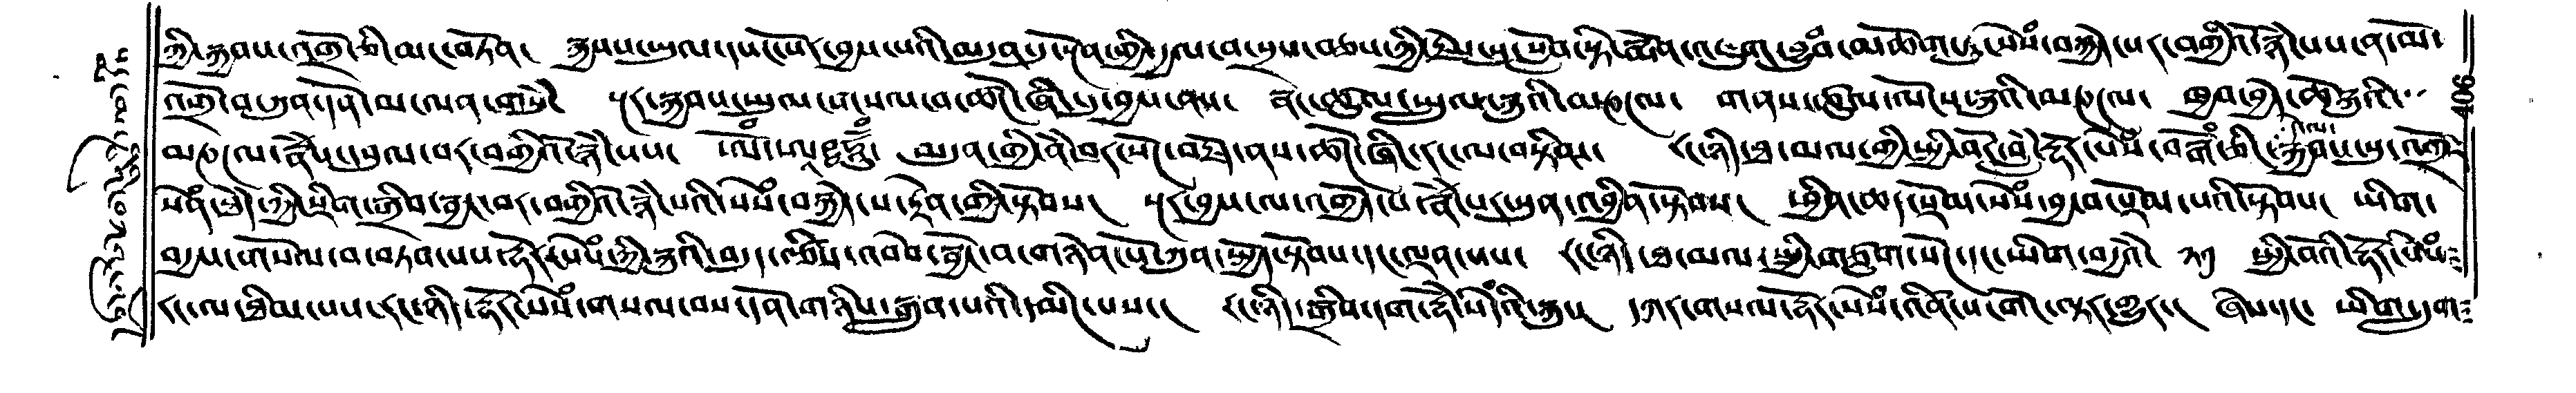ཀྱི་སྐྱབས་འགྲོ་ཅི་མང་འདོན། སྐྱབས་ཡུལ་དཔང་པོར་བྱས་པའི་མདུན་དུ་སྔོན་གྱི་རྒྱལ་བ་སྲས་བཅས་ཀྱི་རྗེས་སུ་སློབ་སྟེ་སྨོན་འཇུག་བྱང་ཆུབ་མཆོག་ཏུ་སེམས་བསྐྱེད་པར་བགྱིའོ་སྙམ་པས། ན་མོ་
འགྲོ་བ་ཀུན་དོན་མ་ལན་གསུམ། སྔར་སྐྱབས་ཡུལ་གསལ་བ་ཚོགས་ཞིང་དུ་བྱས་ནས། སྣང་ཚུལ་སྤྲུལ་སྐུའི་མཎྜལ། གནས་ཚུལ་ལོངས་སྐུའི་མཎྜལ། ཁྱབ་བྱེད་ཆོས་སྐུའི་
མཎྜལ་རྣམས་དབུལ་བར་བགྱིའོ་སྙམ་པས། ཨོཾ་ཨཱཿཧཱུྃ། མདུན་གྱི་ནམ་མཁར་སོགས་བརྗོད་ནས་ཚོགས་ཞིང་རང་ལ་བསྟིམ། རང་ཉིད་ཐ་མལ་གྱི་སྤྱི་བོར་བླ་མ་རྡོར་སེམས་བསྒོམ་ཞིང་དེ་ལ་སྐྱབས་སུ་འགྲོ། 
སེམས་ཅན་ཐམས་ཅད་ཀྱི་སྡིག་སྒྲིབ་སྦྱང་བར་བགྱིའོ་སྙམ་པའི་སེམས་བསྐྱེད་པ་རྟེན་གྱི་སྟོབས། སྔར་བྱས་ལ་འགྱོད་པ་རྣམ་པར་སུན་འབྱིན་པའི་སྟོབས། ཕྱིན་ཆད་བསྡོམ་སེམས་བྱ་བ་སྡོམ་པའི་སྟོབས། ཡིག་
བརྒྱས་གསོལ་བ་བཏབ་པས་རྡོར་སེམས་ཀྱི་སྐུའི་བདུད་རྩི་འབེབས་སྦྱོང་གཉེན་པོ་ཀུན་སྤྱོད་ཀྱི་སྟོབས་དང་ལྡན་པས།རང་ཉིད་ཐ་མལ་སྤྱི་གཙུག་སོགས་དང་ཡིག་བརྒྱ་བརྒྱའམ་ཉེར་གཅིག སྤྱི་བོའི་རྡོར་སེམས་
རང་ལ་ཐིམ་པས་རང་ཉིད་རྡོར་སེམས་གསལ་བས་དོན་གཉིས་སྒྲུབ་པའི་དམིགས་པས། རང་ཉིད་སྒྲིབ་དག་རྡོ་རྗེ་སེམས་དཔའི་སྐུ། །དཀར་གསལ་རྡོར་སེམས་འཛིན་པ་གོང་ལྟར་གྱུར། །ཅེས་དང་། ཡིག་དྲུག་